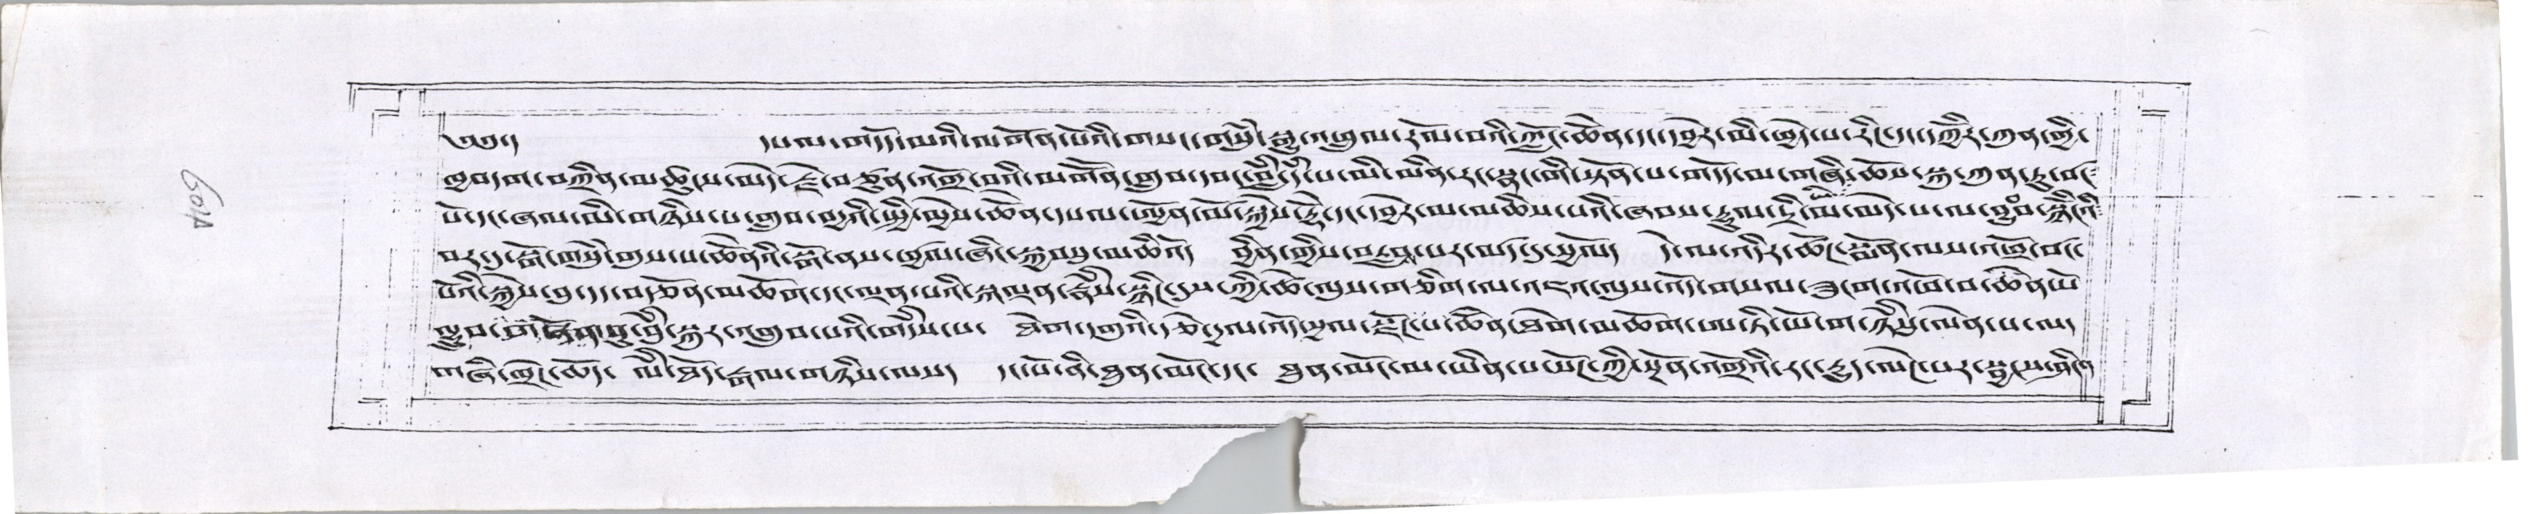༄༅།། དཔལ་གདོད་མའི་མགོན་པོའི་གསང་གསུམ་སྒྱུ་འཕྲུལ་རོལ་པའི་ཀློང་ཆེན་དང་དབྱེར་མི་ཕྱེད་པ་རིགས་དང་དཀྱིལ་འཁོར་ཀུན་གྱི་
ཁྱབ་བདག་བཀའ་དྲིན་མཚུངས་མེད་རྗེ་བཙུན་འགྲོ་བའི་མགོན་པོ་གྲུབ་དབང་བླ་མ་དམ་པ་མི་ཡིན་རང་སྣང་གི་སྟོན་པ་གདོད་མ་གཞི་ཆོས་སྐུ་ཀུན་ཏུ་བཟང་
པོ་དང་ཞལ་མི་གཉིས་པ་གྲུབ་བརྒྱའི་སྤྱི་མྱེས་ཆེན་པོ་དཔལ་ཨོ་རྒྱན་མཚོ་སྐྱེས་རྡོ་རྗེ་དང་དབྱེར་མ་མཆིས་པའི་ཞབས་རྡུལ་དྲི་མ་མེད་པ་ལ་བྱང་ཆུབ་སྙིང་པོའི་
བར་དུ་སྒོ་གསུམ་གུས་པ་ཆེན་པོའི་སྒོ་ནས་ཕྱག་འཚལ་ཞིང་སྐྱབས་སུ་མཆིའོ། །བྱིན་གྱིས་བརླབ་པར་མཛད་དུ་གསོལ། །དེ་ལ་འདིར་ཚོགས་སྨོན་ལས་འཕྲོ་བཟང་
པོའི་སྐྱེས་བུ་དད་བརྩོན་མཆོག་དང་ལྡན་པའི་སྐལ་ལྡན་རྣམས་སྙིགས་དུས་ཀྱི་ཚེ་ལུས་གཅིག་ལ་འཇའ་ལུས་འོད་གསལ་ཟུང་འཇུག་འཕོ་བ་ཆེན་པོ་
ལྷུན་གྲུབ་གཞོན་ནུ་བུམ་སྐུ་འགྲུབ་པའི་གདམས་པ། ཐེག་དགུའི་རྩེ་རྒྱལ་འོད་གསལ་རྫོགས་པ་ཆེན་པོ་ཐེག་མཆོག་ཨ་ཏི་ཡོ་ག་ཉམས་སུ་ལེན་པ་ལ། 
གཞི་ཁྲེག་ཆོད། ལམ་ཐོད་རྒལ་གཉིས་ལས། དང་པོ་ནི་ཐུན་མོང་དང་ཐུན་མོང་མ་ཡིན་པ་སོགས་ཀྱི་སྔོན་འགྲོའི་རང་རྒྱུད་ལེགས་པར་སྦྱངས་ཤིང་།